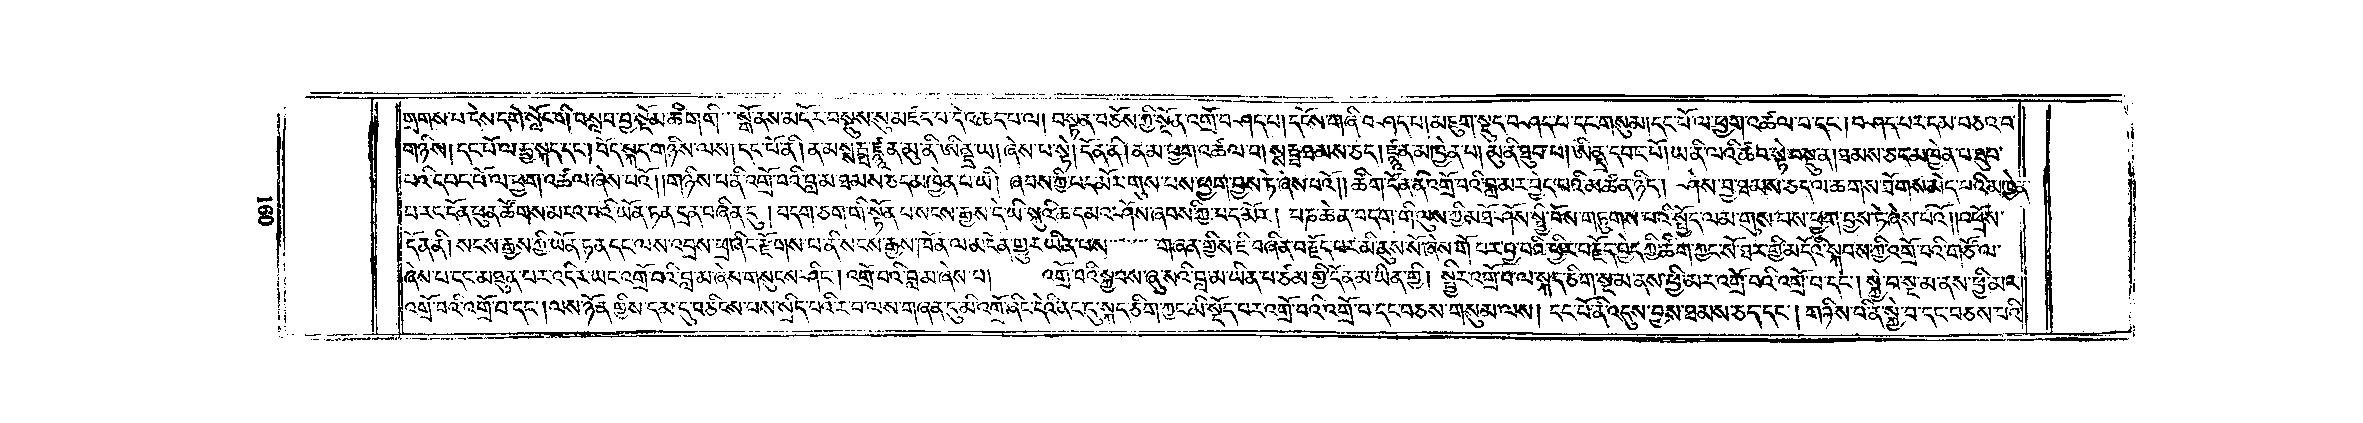གྲགས་པ་དེས་དགེ་སློང་གི་བསླབ་བྱ་སྡོམ་ཚིག་གི་སྒོ་ནས་མདོར་བསྡུས་སུ་མཛད་པ་དེ་འཆད་པ་ལ། བསྟན་བཅོས་ཀྱི་སྔོན་འགྲོ་བཤད་པ། དངོས་གཞི་བཤད་པ། མཇུག་སྡུད་བཤད་པ་དང་གསུམ། དང་པོ་ལ་ཕྱག་འཚལ་བ་དང་། བཤད་པར་དམ་བཅའ་བ་
གཉིས། དང་པོ་ལ་རྒྱ་སྐད་དང་། བོད་སྐད་གཉིས་ལས། དང་པོ་ནི། ན་མ་སྶརྦ་ཛྙའན་མུ་ནི་ཨིནྡྲ་ཡ། ཞེས་པ་སྟེ། དོན་ནི། ན་མ་ཕྱག་འཚལ་བ། སྶརྦྦ་ཐམས་ཅད། ཛྙཱན་མཁྱེན་པ། མུ་ནི་ཐུབ་པ། ཨིནྡྲ་དབང་པོ། ཡ་ནི་ལའི་ཚབ་སྟེ་བསྡུ་ན། ཐམས་ཅད་མཁྱེན་པ་ཐུབ་
པའི་དབང་པོ་ལ་ཕྱག་འཚལ་ཞེས་པའོ། །གཉིས་པ་ནི་འགྲོ་བའི་བླ་མ་ཐམས་ཅད་མཁྱེན་པ་ཡི། ཞབས་ཀྱི་པད་མོར་གུས་པས་ཕྱག་བྱས་ཏེ་ཞེས་པའོ། །ཚིག་དོན་ནི་འགྲོ་བའི་བླ་མར་བྱེད་པའི་མཚན་ཉིད། ཤེས་བྱ་ཐམས་ཅད་ལ་ཆགས་ཐོགས་མེད་པའི་མཁྱེན་
པ་རང་དོན་ཕུན་ཚོགས་མངའ་བའི་ཡོན་ཏན་དྲན་བཞིན་དུ། བདག་ཅག་གི་སྟོན་པ་སངས་རྒྱས་དེ་ཡི་སྐུའི་ཆ་དམའ་ཤོས་ཞབས་ཀྱི་པད་མོར། པཎ་ཆེན་བདག་གི་ལུས་ཀྱི་མཐོ་ཤོས་སྤྱི་བོས་གཏུགས་པའི་སྤྱོད་ལམ་གུས་པས་ཕྱག་བྱས་ཏེ་ཞེས་པའོ། །འཕྲོས་
དོན་ནི། སངས་རྒྱས་ཀྱི་ཡོན་ཏན་དང་ལས་འབྲས་ཕྲ་ཞིང་རྫོགས་པ་ནི་སངས་རྒྱས་ཁོ་ན་ལ་མངོན་གྱུར་ཡིན་པས་གཞན་གྱིས་ཇི་བཞིན་བརྗོད་པར་མི་ནུས་སོ་ཞེས་གོ་པར་བྱ་བའི་ཕྱིར་བརྗོད་བྱེད་ཀྱི་ཚིག་ཀྱང་སོ་ཐར་གྱི་མདོའི་སྐབས་ཀྱི་འགྲོ་བའི་གཙོ་ལ་
ཞེས་པ་དང་མཐུན་པར་འདིར་ཡང་འགྲོ་བའི་བླ་མ་ཞེས་གསུངས་ཤིང་། འགྲོ་བའི་བླ་མ་ཞེས་པ། འགྲོ་བའི་སྐྱབས་ཞུ་སའི་བླ་མ་ཡིན་པ་ཙམ་གྱི་དོན་མ་ཡིན་གྱི། སྤྱིར་འགྲོ་བ་ལ་སྐད་ཅིག་སྔ་མ་ནས་ཕྱི་མར་འགྲོ་བའི་འགྲོ་བ་དང་། སྐྱེ་བ་སྔ་མ་ནས་ཕྱི་མར་
འགྲོ་བའི་འགྲོ་བ་དང་། ལས་ཉོན་གྱིས་དམ་དུ་བཅིངས་པས་སྲིད་པའི་ར་བ་ལས་གཞན་དུ་མི་འགྲོ་ཞིང་དེའི་ནང་དུ་སྐད་ཅིག་ཀྱང་མི་སྡོད་པར་འགྲོ་བའི་འགྲོ་བ་དང་བཅས་གསུམ་ལས། དང་པོ་ནི་འདུས་བྱས་ཐམས་ཅད་དང་། གཉིས་པ་ནི་སྐྱེ་བ་དང་བཅས་པའི་